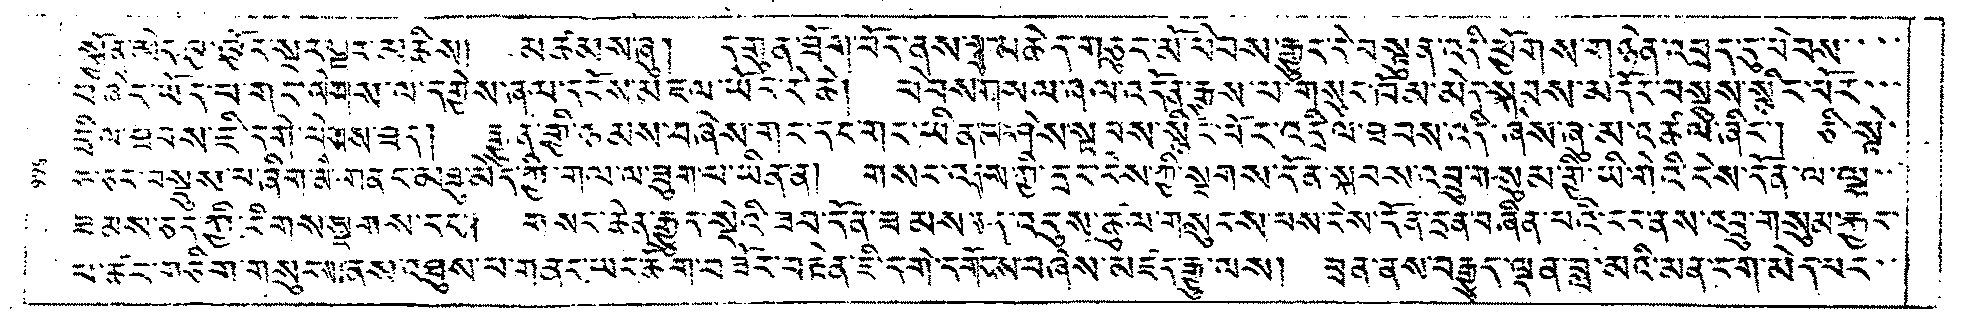སྐྱོན་མེད་ཁྱ་ཁྱོར་སྔར་ལྟར་མཆིས། མཚམས་ཞུ། དགུན་ཐོག་བོད་ནས་སྐུ་མཆེད་གཅུང་མོ་ཕེབས་རྒྱུར་དེ་བསྟུན་འདི་ཕྱོགས་གཉེན་འཕྲད་དུ་ཕེབས་
བཞེད་ཡོད་པ་གང་ལེགས་ལ་དགྱེས་ཞལ་དངོས་མཇལ་ཡོང་རེ་ཆེ། ཕེབས་གསལ་ཞལ་འདོན་རྒྱས་པ་གསུང་ཁོམ་མེད་སྐབས་མདོར་བསྡུས་སྙིང་པོར་
དྲིལ་ཐབས་ཇི་དགེ་ཕེབས་ཐད། རྒྱུན་གྱི་ཉམས་བཞེས་གང་དང་གང་ཡིན་མ་ཤེས་སྟབས་སྙིང་པོར་འདྲི་ལ་ཐབས་འདི་ཞེས་ཞུ་མ་འཚལ་ཞིང་། ཅི་སྟེ་
ཧ་ཅང་བསྡུས་པ་ཞིག་མི་གནང་མཐུ་མེད་ཀྱི་གལ་ལ་ཐུག་པ་ཡིན་ན། གསང་འདུས་ཀྱི་དྲང་ངེས་ཀྱི་སྔགས་དོན་སྐབས་འབྲུ་གསུམ་གྱི་ཡི་གེའི་ངེས་དོན་ལ་ལྷ་
ཐམས་ཅད་ཀྱི་རིགས་སྔགས་དང་། གསང་ཆེན་རྒྱུད་སྡེའི་ཟབ་དོན་ཐམས་ཅད་འདུས་ཚུལ་གསུངས་པས་ངེས་དོན་དྲན་བཞིན་པའི་ངང་ནས་འབྲུ་གསུམ་རྐྱང་
པ་ཚར་གཅིག་གསུངས་ནས་འཐུས་པ་གནང་ཡང་ཆོག་བཟོར་བརྟེན་ཇི་དགེ་དགོངས་བཞེས་མཛད་རྒྱུ་ལས། ཕྲན་ནས་བརྒྱུད་ལྡན་བླ་མའི་མན་ངག་མེད་པར་